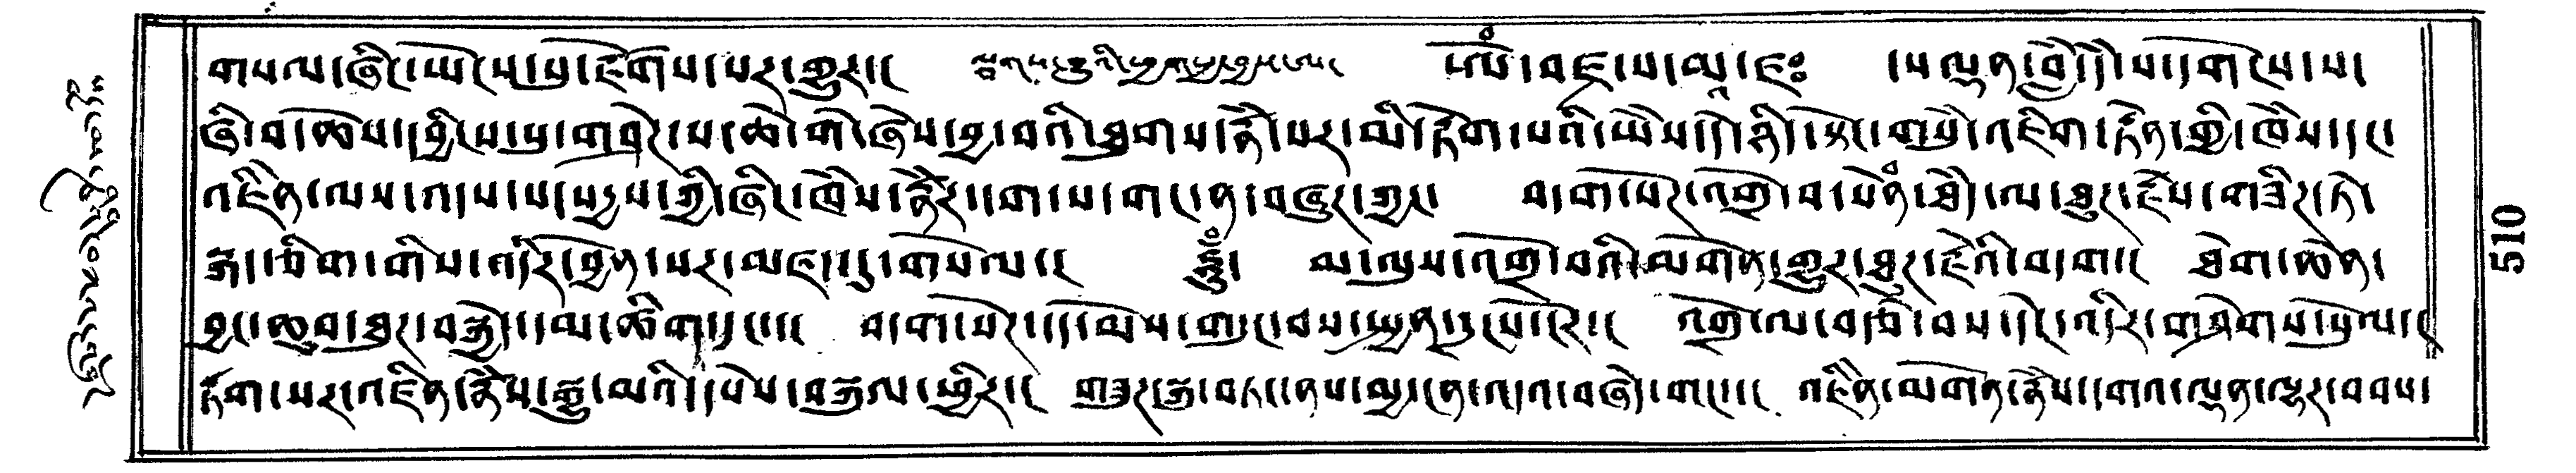གསལ་ཞིང་ཡོངས་སུ་རྫོགས་པར་གྱུར། ལྕགས་ཀྱུའི་ཕྱག་རྒྱ་བྱས་ལ། ཨོཾ་བཛྲ་ས་མཱ་ཛཿ དཔལ་ལྡན་བླ་མ་དམ་པ་དགོངས་པ་
ཞི་བ་ཆོས་དབྱིངས་སུ་གཤེགས་པ་ཆེ་གེ་ཞེས་བྱ་བའི་ཐུགས་རྣམ་པར་མི་རྟོག་པའི་ཡེ་ཤེས་དེ་ཉིད་སྟོང་གསུམ་འཇིག་རྟེན་གྱི་ཁམས་དང་
འཇིག་རྟེན་ལས་འདས་པ་སངས་རྒྱས་ཀྱི་ཞིང་ཁམས་རྣམ་པར་དག་པ་གང་ན་བཞུགས་ཀྱང་། བདག་སོགས་འགྲོ་བ་སེམས་ཅན་ཐམས་ཅད་ལ་ཐུགས་རྗེས་གཟིགས་ཏེ་
སྐད་ཅིག་གིས་འདིར་བྱོན་པར་མཛད་དུ་གསོལ། ཧཱུྃ། མ་ལུས་འགྲོ་བའི་མགོན་གྱུར་ཐུགས་རྗེའི་བདག །ཐེག་ཆེན་
བྱང་ཆུབ་ཐུགས་བསྐྱེད་དམ་ཚིག་དང་། །བདག་སོགས་དད་མོས་གདུང་བས་སྤྱན་དྲངས་ངོར། །འགྲོ་ལ་བརྩེ་བས་དེང་འདིར་གཤེགས་སུ་གསོལ། །
རྟག་པར་འཛིན་རྣམས་སྒྱུ་མའི་དཔེས་བསྐུལ་ཕྱིར། །གཟུགས་སྐུ་བཏང་ནས་མྱ་ངན་འདའ་བཞེད་གང་། །འཇིག་རྟེན་མགོན་རྣམས་དགའ་ལྡན་ལྷར་བབས་